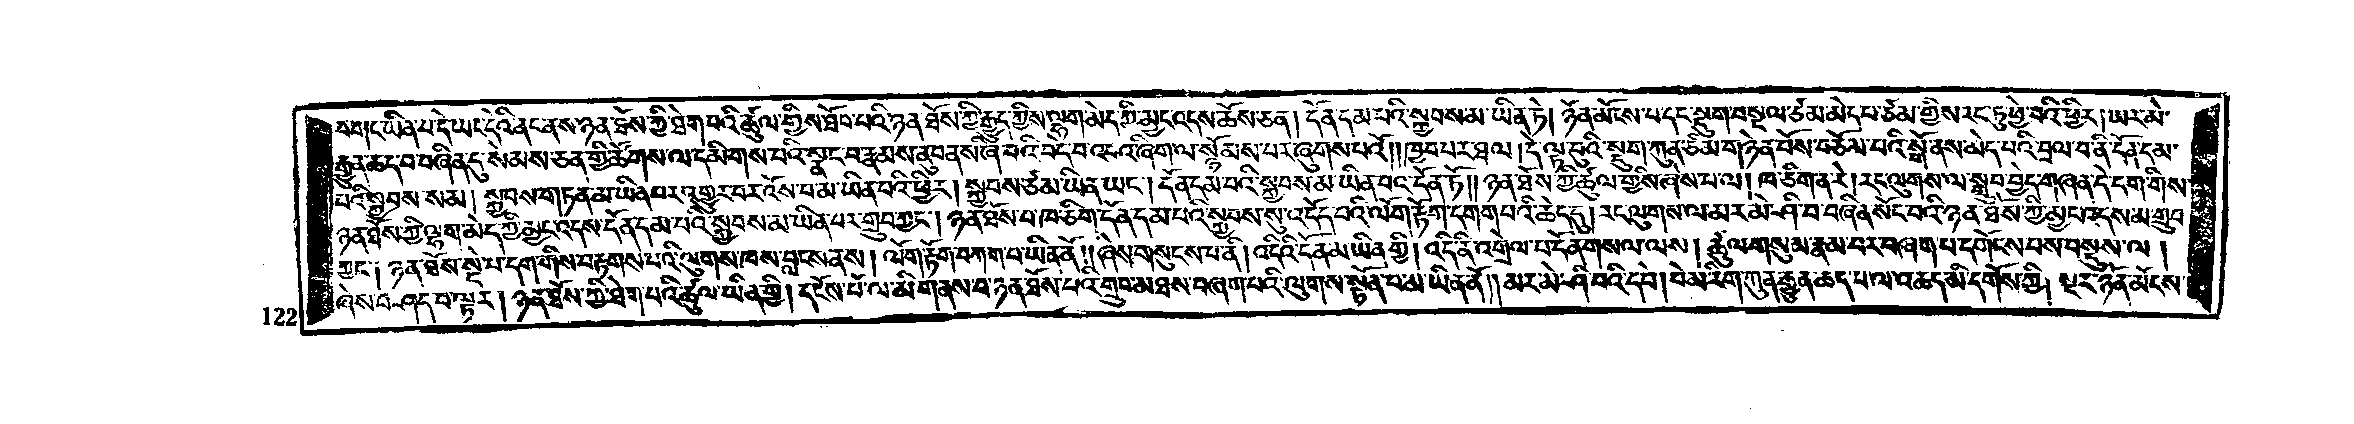པ་གང་ཡིན་པ་དེ་ཡང་དེའི་ནང་ནས་ཉན་ཐོས་ཀྱི་ཐེག་པའི་ཚུལ་གྱིས་ཐོབ་པའི་ཉན་ཐོས་ཀྱི་རྒྱུད་ཀྱིས་ལྷག་མེད་ཀྱི་མྱང་འདས་ཆོས་ཅན། དོན་དམ་པའི་སྐྱབས་མ་ཡིན་ཏེ། ཉོན་མོངས་པ་དང་སྡུག་བསྔལ་ཙམ་མེད་པ་ཙམ་གྱིས་རབ་ཏུ་ཕྱེ་བའི་ཕྱིར། ཡར་མེ་
རྒྱུན་ཆད་པ་བཞིན་དུ་སེམས་ཅན་གྱི་ཚོགས་ལ་དམིགས་པའི་སྣང་བ་རྣམས་ནུབ་ནས་ཞི་བའི་བདེ་བ་འབའ་ཞིག་ལ་སྙོམས་པར་ཞུགས་པའོ། །ཁྱབ་པར་ཐལ། དེ་ལྟ་བུའི་སྡུག་ཀུན་ཙམ་གཉེན་པོས་བཅོམ་པའི་སྒོ་ནས་མེད་པའི་བྲལ་བ་ནི་དོན་དམ་
པའི་སྐྱབས་སམ། སྐྱབས་གཏན་མ་ཡིན་པར་འགྱུར་བར་འོས་པ་མ་ཡིན་པའི་ཕྱིར། སྐྱབས་ཙམ་ཡིན་ཡང་། དོན་དམ་པའི་སྐྱབས་མ་ཡིན་པའི་དོན་ཏོ། །ཉན་ཐོས་ཀྱི་ཚུལ་གྱིས་ཞེས་པ་ལ། ཁ་ཅིག་ན་རེ། རང་ལུགས་ལ་སྒྲུབ་བྱེད་གཞན་དེ་དག་གིས་
ཉན་ཐོས་ཀྱི་ལྷག་མེད་ཀྱི་མྱང་འདས་དོན་དམ་པའི་སྐྱབས་མ་ཡིན་པར་གྲུབ་ཀྱང་། ཉན་ཐོས་པ་ཁ་ཅིག་དོན་དམ་པའི་སྐྱབས་སུ་འདོད་པའི་ལོག་རྟོག་དགག་པའི་ཆེད་དུ། རང་ལུགས་ལ་མར་མེ་ཤི་བ་བཞིན་སོང་བའི་ཉན་ཐོས་ཀྱི་མྱང་འདས་མ་གྲུབ་
ཀྱང༑ ཉན་ཐོས་སྡེ་པ་དག་གིས་བརྟགས་པའི་ལུགས་ཁས་བླངས་ནས། ལོག་རྟོག་བཀག་པ་ཡིན་ནོ། །ཞེས་གསུངས་པ་ནི། འདིའི་དོན་མ་ཡིན་གྱི་།འདི་ནི་འགྲེལ་པ་དོན་གསལ་ལས། ཚུལ་གསུམ་རྣམ་པར་བཞག་པ་དགོངས་པས་བསྡུས་ལ།
ཞེས་བཤད་པ་ལྟར། ཉན་ཐོས་ཀྱི་ཐེག་པའི་ཚུལ་ཡིན་གྱི་།དངོས་པོ་ལ་མི་གནས་པ་ཉན་ཐོས་པའི་གྲུབ་མཐས་བཞག་པའི་ལུགས་སྟོན་པ་མ་ཡིན་ནོ། །མར་མེ་ཤི་བའི་དཔེ། པེ?་མ?་རིག་ཀུན་རྒྱུན་ཆད་པ་ལ་འཆད་མི་དགོས་ཀྱི། སྔར་ཉོན་མོངས་